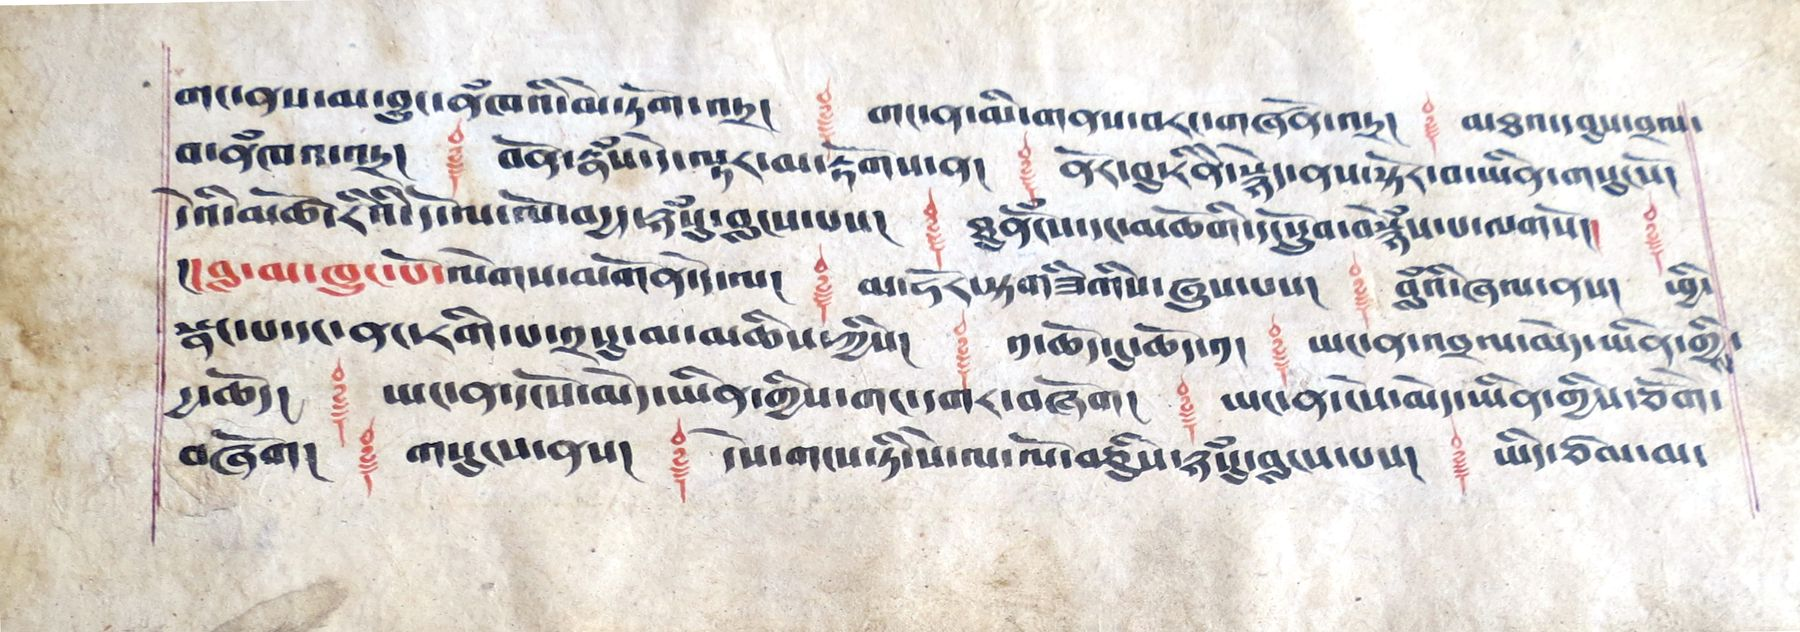གང་ནས་མ་བྱུང་ནམ་མཁའི་མེ་ཏོག་འདྲ། གང་ན་མི་གནས་བར་སྣང་གཞའ་ཚོན་འདྲ། མཐའ་དབུས་བྲལ་
བ་ནམ་མཁའ་འདྲ། བོན་རྣམས་དེ་ལྟར་མ་རྟོགས་ན། ནོར་བུ་རིན་ཆེན་རྙེད་ནས་སྟོར་བ་ཡིན་གསུངས་སོ། ། 
དེས་མཚོ་རིའི་དོ་ལ། ལོ་བརྒྱད་ཉམས་སུ་བླངས་པས། ཐུན་མོང་དང་མཆོག་གི་དངོས་གྲུབ་བསྙེམས་པ་ལགས་སོ། 
། བླ་མ་ཁྱུང་པོ་ལེགས་མགོན་དེ་ལ། མ་ཧོར་སྟག་གཟིག་གིས་ཞུས་པས། བླ་མའི་ཞལ་ནས། ཕྱི་
སྣང་བ་དང་ནང་རིག་པ་གཉིས་སུ་མ་མཆིས་ཀྱིས། གཅིག་ཆོད་དུ་ཆོད་ཅིག ཡང་ན་འབྲལ་མེད་ཡིན་གྱིས་
རྒྱ་ཆོད། ཡང་ན་དངོས་མེད་ཡིན་གྱིས་གང་དགར་ཞོག ཡང་ན་ངེས་མེད་ཡིན་གྱིས་ཅོག་གེ་
ཞོག གསུངས་ནས། དེས་གངས་ཏི་སེ་ལ་ལོ་བཅུ་གཉིས་ཉམས་སུ་བླངས་པས། ཡིད་ཙམ་མ་